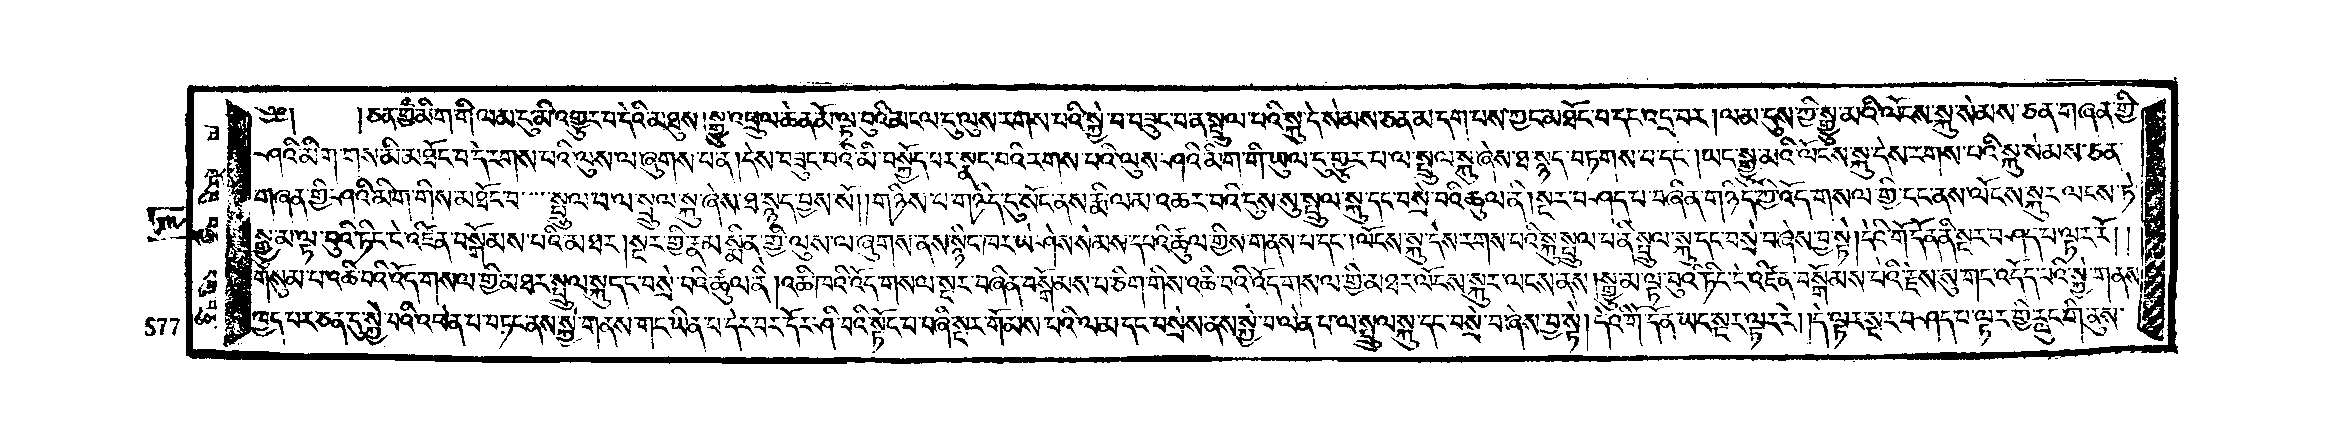༄༅། །ཅན་གྱི་མིག་གི་ལམ་དུ་མི་འགྱུར་བ་དེའི་མཐུས། སྒྱུ་འཕྲུལ་ཆེན་མོ་ལྟ་བུའི་མངལ་དུ་ལུས་རགས་པའི་སྐྱེ་བ་བཟུང་བ་ན་སྤྲུལ་པའི་སྐུ་དེ་སེམས་ཅན་མ་དག་པས་ཀྱང་མཐོང་བ་དང་འདྲ་བར། ལམ་དུས་ཀྱི་སྒྱུ་མའི་ལོངས་སྐུ་སེམས་ཅན་གཞན་གྱི་
ཤའི་མིག་གིས་མི་མཐོང་བ་དེ་རགས་པའི་ལུས་ལ་ཞུགས་པ་ན། དེས་བཟུང་བའི་མི་བསྐྱོད་པར་སྣང་བའི་རགས་པའི་ལུས་ཤའི་མིག་གི་ཡུལ་དུ་གྱུར་པ་ལ་སྤྲུལ་སྐུ་ཞེས་ཐ་སྙད་བཏགས་པ་དང་། ཡང་སྒྱུ་མའི་ལོངས་སྐུ་དེས་རགས་པའི་སྐུ་སེམས་ཅན་
གཞན་གྱི་ཤའི་མིག་གིས་མཐོང་བ་སྤྲུལ་པ་ལ་སྤྲུལ་སྐུ་ཞེས་ཐ་སྙད་བྱས་སོ། །གཉིས་པ་གཉིད་དུ་སོང་ནས་རྨི་ལམ་འཆར་བའི་དུས་སུ་སྤྲུལ་སྐུ་དང་བསྲེ་བའི་ཚུལ་ནི། སྔར་བཤད་པ་བཞིན་གཉིད་ཀྱི་འོད་གསལ་གྱི་ངང་ནས་ལོངས་སྐུར་ལངས་ཏེ་
སྒྱུ་མ་ལྟ་བུའི་ཏིང་ངེ་འཛིན་བསྒོམས་པའི་མཐར། སྔར་གྱི་རྣམ་སྨིན་གྱི་ལུས་ལ་ཞུགས་ནས་སྙིང་ཁར་ཡེ་ཤེས་སེམས་དཔའི་ཚུལ་གྱིས་གནས་པ་དང་། ལོངས་སྐུ་དེས་རགས་པའི་སྐུ་སྤྲུལ་པ་ནི་སྤྲུལ་སྐུ་དང་བསྲེ་བ་ཞེས་བྱ་སྟེ། དེའི་གོ་དོན་ནི་སྔར་བཤད་པ་ལྟར་རོ། །
གསུམ་པ་འཆི་བའི་འོད་གསལ་གྱི་མཐར་སྤྲུལ་སྐུ་དང་བསྲེ་བའི་ཚུལ་ནི། འཆི་ཁའི་འོད་གསལ་སྔར་བཞིན་བསྒོམས་པ་ཅིག་གིས་འཆི་བའི་འོད་གསལ་གྱི་མཐར་ལོངས་སྐུར་ལངས་ནས། སྒྱུ་མ་ལྟ་བུའི་ཏིང་ངེ་འཛིན་བསྒོམས་པའི་རྗེས་སུ་གང་འདོད་པའི་སྐྱེ་གནས་
ཁྱད་པར་ཅན་དུ་སྐྱེ་བའི་འཕེན་པ་བཏང་ནས་སྐྱེ་གནས་གང་ཡིན་པ་དེར་བར་དོར་ཤི་བའི་སྟོང་པ་བཞི་སྔར་གོམས་པའི་ལམ་དང་བསྲེས་ནས་སྐྱེ་བ་ལེན་པ་ལ་སྤྲུལ་སྐུ་དང་བསྲེ་བ་ཞེས་བྱ་སྟེ། དེའི་གོ་དོན་ཡང་སྔར་ལྟར་རོ། །དེ་ལྟར་སྔར་བཤད་པ་ལྟར་གྱི་རླུང་གི་ནུས་